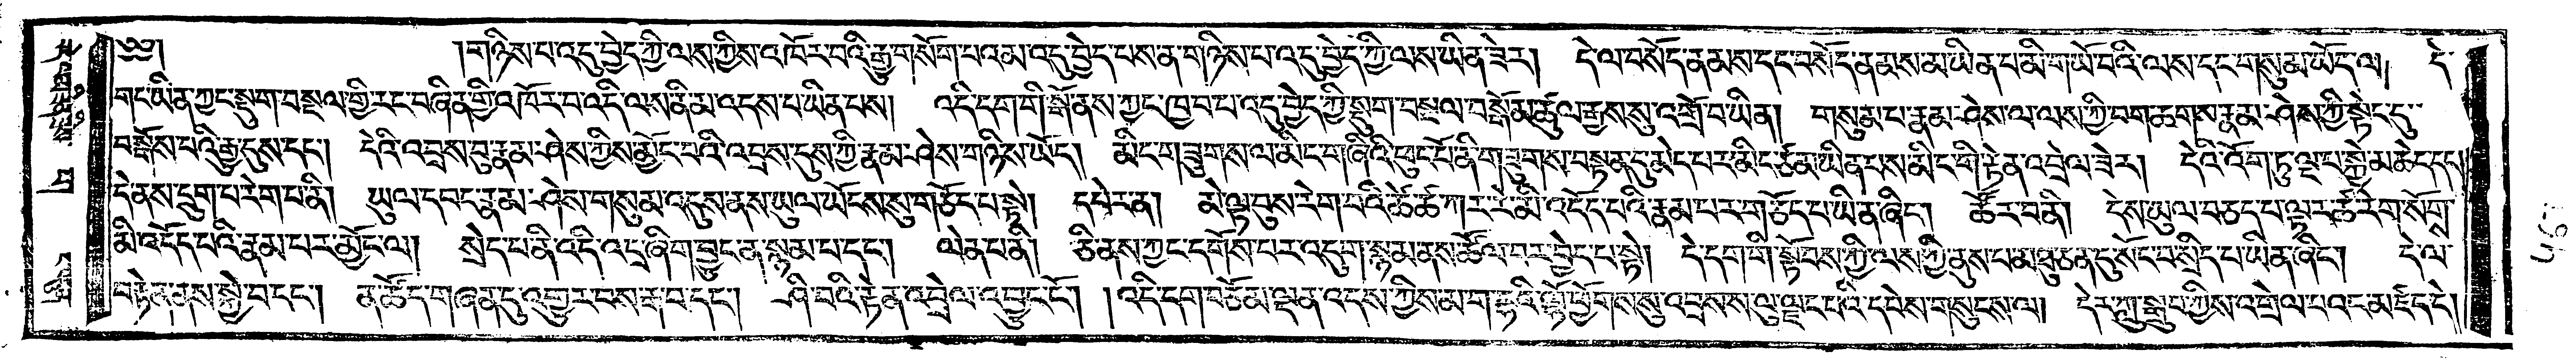༄༅། །གཉིས་པ་འདུ་བྱེད་ཀྱི་ལས་ཀྱིས་འཁོར་བའི་རྒྱུ་གསོག་པའམ་འདུ་བྱེད་པས་ན་གཉིས་པ་འདུ་བྱེད་ཀྱི་ལས་ཡིན་ཟེར། དེ་ལ་བསོད་ནམས་དང་བསོད་ནམས་མ་ཡིན་པ་མི་གཡོ་བའི་ལས་དང་གསུམ་ཡོད་ལ། དེ་
གང་ཡིན་ཀྱང་སྡུག་བསྔལ་གྱི་རང་བཞིན་གྱི་འཁོར་བ་འདི་ལས་ནི་མ་འདས་པ་ཡིན་པས། འདི་དག་གི་སྒོ་ནས་ཀྱང་ཁྱབ་པ་འདུ་བྱེད་ཀྱི་སྡུག་བསྔལ་བསྒོམ་ཚུལ་རྒྱས་སུ་འགྲོ་བ་ཡིན། གསུམ་པ་རྣམ་ཤེས་ལ་ལས་ཀྱི་བག་ཆགས་རྣམ་ཤེས་ཀྱི་སྟེང་དུ་
བསྒོས་པའི་རྒྱུ་དུས་དང་། དེའི་འབྲས་བུ་རྣམ་ཤེས་ཀྱིས་མྱོང་བའི་འབྲས་དུས་ཀྱི་རྣམ་ཤེས་གཉིས་ཡོད། མིང་གཟུགས་ལ་མིང་གཞིའི་ཕུང་པོ་ནི་གཟུགས་བསྟན་དུ་མེད་པར་མིང་ཙམ་ཡིན་པས་མིང་གི་རྟེན་འབྲེལ་ཟེར། དེའི་འོག་ཏུ་ལྔ་པ་སྐྱེ་མཆེད་དང་།
དེ་ནས་དྲུག་པ་རེབ་བ་ནི། ཡུལ་དབང་རྣམ་ཤེས་གསུམ་འདུས་ནས་ཡུལ་ཡོངས་སུ་གཅོད་པ་སྟེ། དཔེར་ན། མེ་ལྟ་བུས་རེག་པའི་ཚེ་ཚ་ཀར་རེ་མི་འདོད་པའི་རྣམ་པར་གཅོད་པ་ཡིན་ཞིང་། ཚོར་བ་ནི། དེས་ཡུལ་བཅད་པ་ལྟར་ཚ་རེག་སོགས་
མི་འདོད་པའི་རྣམ་པར་མྱོང་ལ། སྲེད་པ་ནི་འདི་འདྲ་ཞིག་བྱུང་ན་སྙམ་པ་དང་། ལེན་པ་ནི། ཅི་ནས་ཀྱང་དགོས་པར་འདུག་སྙམ་ནས་ཚོལ་བར་བྱེད་པ་སྟེ། དེ་དག་གི་སྟོབས་ཀྱི་ལས་ཀྱི་ནུས་པ་མཐུ་ཅན་དུ་སོང་བ་སྲིད་པ་ཡིན་ཞིང་། དེ་ལ་
བརྟེན་ནས་སྐྱེ་བ་དང་། ན་ཚོད་གཞན་དུ་འགྱུར་བས་རྒ་བ་དང་། ཤི་བའི་རྟེན་འབྲེལ་འབྱུང་ངོ། །འདི་དག་བཅོམ་ལྡན་འདས་ཀྱིས་མ་ག་དྷའི་ལྷོ་ཕྱོགས་སུ་འབྲས་ས་ལུ་ལྗང་བའི་དབེས་གསུངས་ལ། དེར་ཀླུ་སྒྲུབ་ཀྱིས་འགྲེལ་པའང་མཛད་དེ།